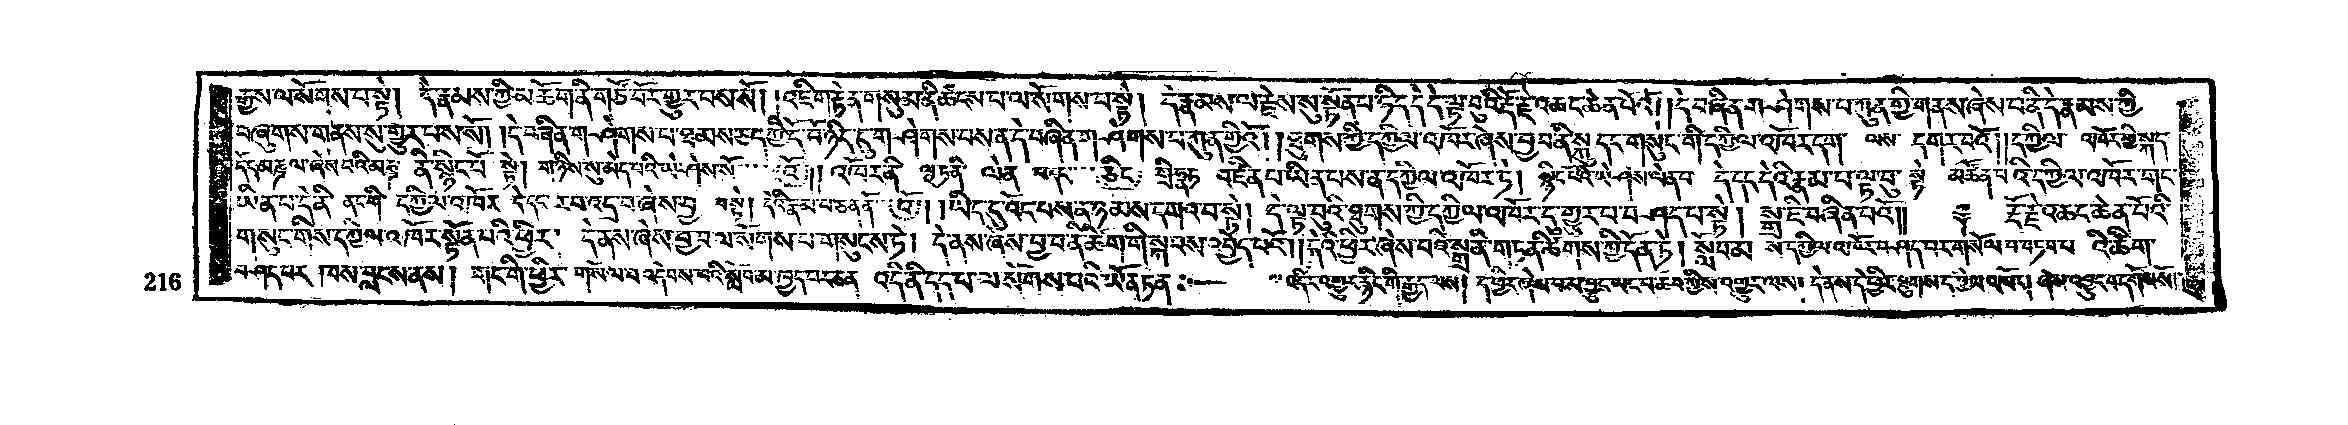རྒྱས་ལ་སོགས་པ་སྟེ། དེ་རྣམས་ཀྱི་མཆོག་ནི་གཙོ་བོར་གྱུར་པས་སོ། །འཇིག་རྟེན་གསུམ་ནི་ཚངས་པ་ལ་སོགས་པ་སྟེ། དེ་རྣམས་ལ་རྗེས་སུ་སྟོན་པ་ཉིད་དེ་དེ་ལྟ་བུའི་རྡོ་རྗེ་འཆང་ཆེན་པོའོ། །དེ་བཞིན་གཤེགས་པ་ཀུན་གྱི་གནས་ཞེས་པ་ནི་དེ་རྣམས་ཀྱི་
བཞུགས་གནས་སུ་གྱུར་པས་སོ། །དེ་བཞིན་གཤེགས་པ་ཐམས་ཅད་ཀྱི་ངོ་བོ་ཉིད་དུ་གཤེགས་པས་ན་དེ་བཞིན་གཤེགས་པ་ཀུན་གྱིའོ། །ཐུགས་ཀྱི་དཀྱིལ་འཁོར་ཞེས་བྱ་བ་ནི་སྐུ་དང་གསུང་གི་དཀྱིལ་འཁོར་དག་ལས་དགར་བའོ། །དཀྱིལ་འཁོར་གྱི་སྐད་
དོད་མཎྜལ་ལ་ཞེས་པའི་མཎྜ་ནི་སྙིང་པོ་སྟེ། གཉིས་སུ་མེད་པའི་ཡེ་ཤེས་སོ་འོ། །འཁོར་ནི་ལཱ་ཏ་ནི་ལེན་པ་དང་ཅིང་གྲིཧྣཏ་འཛིན་པ་ཡིན་པས་ན་དཀྱིལ་འཁོར་ཏེ། སྙིང་པོའི་ཡེ་ཤེས་ལེན་པ་དེ་དང་དེའི་རྣམ་པ་ལྟ་བུ་སྟེ་མཚོན་པའི་དཀྱིལ་འཁོར་གང་
ཡིན་པ་དེ་ནི་ནང་གི་དཀྱིལ་འཁོར་དེ་དང་རབ་འདྲ་བ་ཞེས་བྱ་བ་སྟེ། དེའི་རྣམ་པ་ཅན་ནོ་འོ། །ཡིད་དུ་འོང་བས་ན་ཉམས་དགའ་བ་སྟེ། དེ་ལྟ་བུའི་ཐུགས་ཀྱི་དཀྱིལ་འཁོར་དུ་གྱུར་པ་བཤད་པ་སྟེ། སྒྲ་ཇི་བཞིན་པའོ།། ༈ རྡོ་རྗེ་འཆང་ཆེན་པོའི་
གསུང་གིས་དཀྱིལ་འཁོར་སྟོན་པའི་ཕྱིར། དེ་ནས་ཞེས་བྱ་བ་ལ་སོགས་པ་གསུངས་ཏེ། དེ་ནས་ཞེས་བྱ་བ་ནི་ཚིག་གི་སྐབས་འབྱེད་པའོ། །དེའི་ཕྱིར་ཞེས་པའི་སྒྲ་ནི་གཏན་ཚིགས་ཀྱི་དོན་ཏེ། སློབ་མས་དཀྱིལ་འཁོར་བཤད་པར་གསོལ་བ་བཏབ་པའི་ཚིག་
བཤད་པར་ཁས་བླངས་ནས། གང་གི་ཕྱིར་གསོལ་བ་འདེབས་པའི་སློབ་མ་ཁྱད་པར་ཅན་འདི་ནི་དད་པ་ལ་སོགས་པའི་ཡོན་ཏན་H.་༧འདིར་འགྱུར་རྙིང་གི་རྒྱུད་ལས། དེ་ཕྱིར་ཞེས་པ་མ་བྱུང་ཡང་པ་ཚབ་ཀྱིས་འགྱུར་ལས། དེ་ནས་དེ་ཕྱིར་ཐུགས་དཀྱིལ་འཁོར། ཞེས་འབྱུང་བ་དགོས་སོ། །